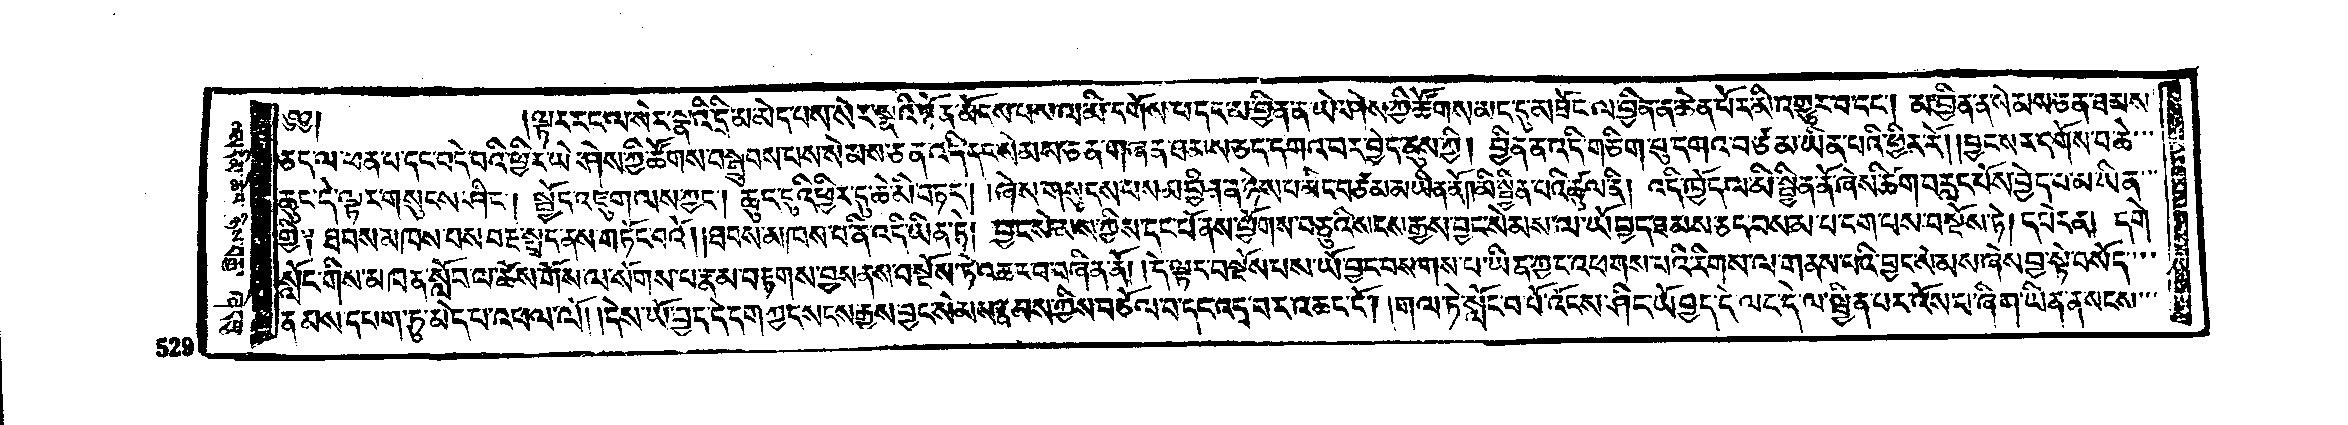༄༅། །ལྟར་རང་ལ་སེར་སྣའི་དྲི་མ་མེད་པས་སེར་སྣའི་ཉོན་མོངས་བསལ་མི་དགོས་པ་དང་མ་བྱིན་ན་ཡེ་ཤེས་ཀྱི་ཚོགས་མང་དུ་མཐོང་ལ་བྱིན་ན་ཆེན་པོར་མི་འགྱུར་བ་དང་། མ་བྱིན་ན་སེམས་ཅན་ཐམས་
ཅད་ལ་ཕན་པ་དང་བདེ་བའི་ཕྱིར་ཡེ་ཤེས་ཀྱི་ཚོགས་བསྒྲུབས་པས་སེམས་ཅན་འདི་དང་སེམས་ཅན་གཞན་ཐམས་ཅད་དགའ་བར་བྱེད་ནུས་ཀྱི། བྱིན་ན་འདི་གཅིག་པུ་དགའ་བ་ཙམ་ཡིན་པའི་ཕྱིར་རོ། །བྱང་སར་དགོས་པ་ཆེ་
ཆུང་དེ་ལྟར་གསུངས་ཤིང་། སྤྱོད་འཇུག་ལས་ཀྱང་། ཆུང་ངུའི་ཕྱིར་དུ་ཆེ་མི་བཏང་། །ཞེས་གསུངས་པས་མ་བྱིན་ན་ཉེས་པ་མེད་པ་ཙམ་མ་ཡིན་ནོ། །མི་སྦྱིན་པའི་ཚུལ་ནི། འདི་ཁྱོད་ལ་མི་སྦྱིན་ནོ་ཞེས་ཚིག་བརླང་པོས་བྱེད་པ་མ་ཡིན་
གྱི༑ ཐབས་མཁས་པས་བརྡ་སྤྲད་ནས་གཏོང་བའོ། །ཐབས་མཁས་པ་ནི་འདི་ཡིན་ཏེ། བྱང་སེམས་ཀྱིས་དང་པོ་ནས་ཕྱོགས་བཅུའི་སངས་རྒྱས་བྱང་སེམས་ལ་ཡོ་བྱད་ཐམས་ཅད་བསམ་པ་དག་པས་བསྔོས་ཏེ། དཔེར་ན། དགེ་
སློང་གིས་མཁན་སློབ་ལ་ཆོས་གོས་ལ་སོགས་པ་རྣམ་བརྟགས་བྱས་ནས་བསྔོས་ཏེ་འཆང་བ་བཞིན་ནོ། །དེ་ལྟར་བསྔོས་པས་ཡོ་བྱད་བསགས་པ་ཡིན་ཀྱང་འཕགས་པའི་རིགས་ལ་གནས་པའི་བྱང་སེམས་ཞེས་བྱ་སྟེ་བསོད་
ནམས་དཔག་ཏུ་མེད་པ་འཕེལ་ལོ། །དེས་ཡོ་བྱད་དེ་དག་ཀྱང་སངས་རྒྱས་བྱང་སེམས་རྣམས་ཀྱིས་བཅོལ་བ་དང་འདྲ་བར་འཆང་ངོ། །གལ་ཏེ་སློང་བ་པོ་འོངས་ཤིང་ཡོ་བྱད་དེ་ཡང་དེ་ལ་སྦྱིན་པར་འོས་པ་ཞིག་ཡིན་ན་སངས་